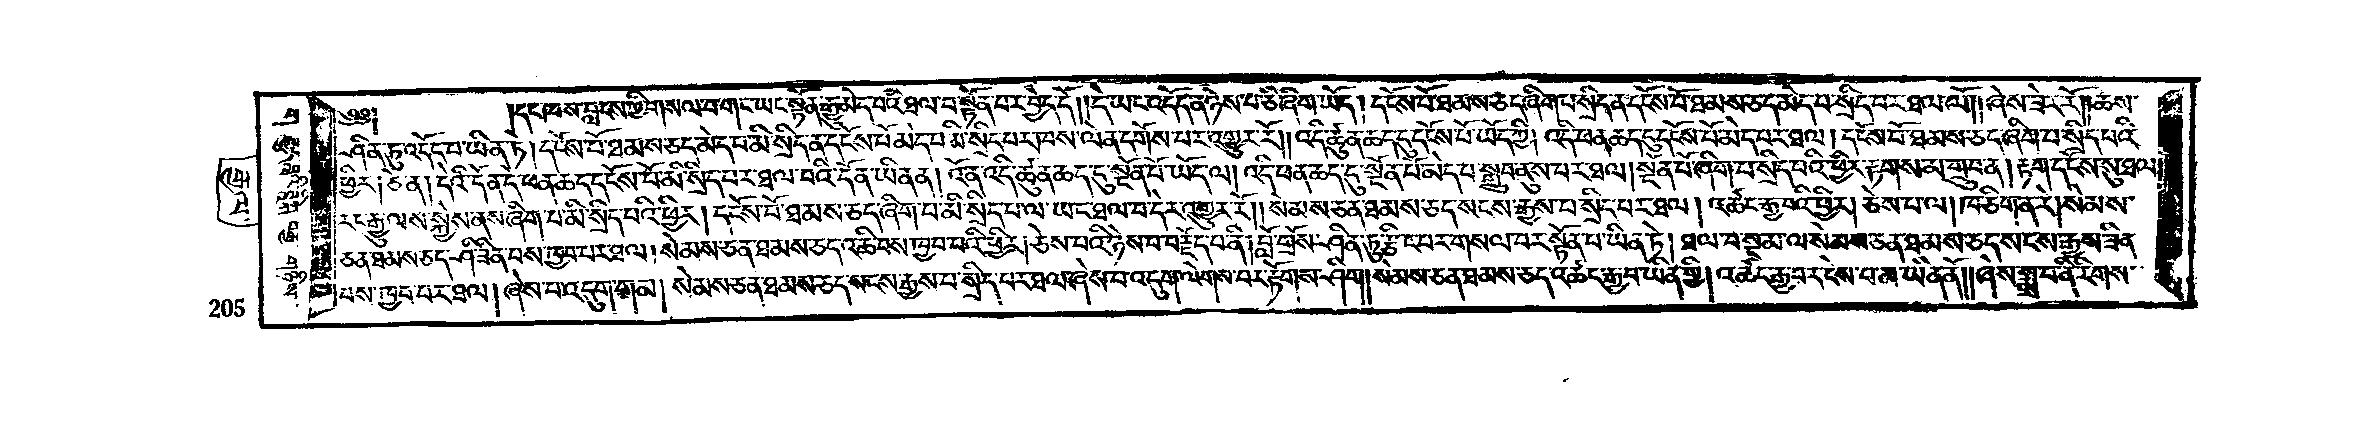༄༅། །དང་ཁས་བླངས་ཀྱི་གསལ་བ་གང་ཡང་སྟོན་རྒྱུ་མེད་པའི་ཐལ་པ་སྟོན་པར་བྱེད་དོ། །དེ་ཡང་འདོད་ན་ཉེས་པ་ཅི་ཞིག་ཡོད། དངོས་པོ་ཐམས་ཅད་ཞིག་པ་སྲིད་ན་དངོས་པོ་ཐམས་ཅད་མེད་པ་སྲིད་པར་ཐལ་ལོ། །ཞེས་ཟེར་རོ། །ཆོས་
ཤིན་ཏུ་འདོད་པ་ཡིན་ཏེ། དངོས་པོ་ཐམས་ཅད་མེད་པ་མི་སྲིད་ན་དངོས་པོ་མེད་པ་མི་སྲིད་པར་ཁས་ལེན་དགོས་པར་འགྱུར་རོ། །འདི་ཚུན་ཆད་དུ་དངོས་པོ་ཡོད་ཀྱི། འདི་ཕན་ཆད་དུ་དངོས་པོ་མེད་པར་ཐལ། དངོས་པོ་ཐམས་ཅད་ཞིག་པ་སྲིད་པའི་
ཕྱིར༑ ཅེ་ན། དེའི་དོན་དེ་ཕན་ཆད་དངོས་པོ་མི་སྲིད་པར་ཐལ་པའི་དོན་ཡིན་ན། འོ་ན་འདི་ཚུན་ཆད་དུ་སྔོན་པོ་ཡོད་ལ། འདི་ཕན་ཆད་དུ་སྔོན་པོ་མེད་པ་སྒྲུབ་ནུས་པར་ཐལ། སྔོན་པོ་ཞིག་པ་སྲིད་པའི་ཕྱིར་རྟགས་མ་གྲུབ་ན། རྟག་དངོས་སུ་ཐལ་
རང་རྒྱུ་ལས་སྐྱེས་ནས་ཞིག་པ་མི་སྲིད་པའི་ཕྱིར། དངོས་པོ་ཐམས་ཅད་ཞིག་པ་མི་སྲིད་པ་ལ་ཡང་ཐལ་པ་དེར་འགྱུར་རོ། །སེམས་ཅན་ཐམས་ཅད་སངས་རྒྱས་པ་སྲིད་པར་ཐལ། །འཚང་རྒྱ་བའི་ཕྱིར། ཅེས་པ་ལ། ཁ་ཅིག་ན་རེ། སེམས་ཅན་ཐམས་ཅད་ཤི་ཟིན་པས་ཁྱབ་པར་ཐལ། སེམས་ཅན་ཐམས་ཅད་འཆི་བས་ཁྱབ་པའི་ཕྱིར། ཅེས་པའི་ཉེས་པ་བརྗོད་པ་ནི། བློ་གྲོས་ཤིན་ཏུ་རྩི་དཔར་གསལ་བར་སྟོན་པ་ཡིན་ཏེ། ཐལ་པ་སྔ་མ་ལ་སེམས་ཅན་ཐམས་ཅད་སངས་རྒྱས་ཟིན་
པས་ཁྱབ་པར་ཐལ། ཞེས་པ་འདུག་གམ། སེམས་ཅན་ཐམས་ཅད་སངས་རྒྱས་པ་སྲིད་པར་ཐལ་ཞེས་པ་འདུག་ལེགས་པར་རྟོགས་ཤིག །སེམས་ཅན་ཐམས་ཅད་འཚང་རྒྱ་བ་ཡིན་གྱི་།འཚང་རྒྱ་བར་ངེས་པ་མ་ཡིན་ནོ། །ཞེས་སྨྲ་བ་ནི་རིགས་